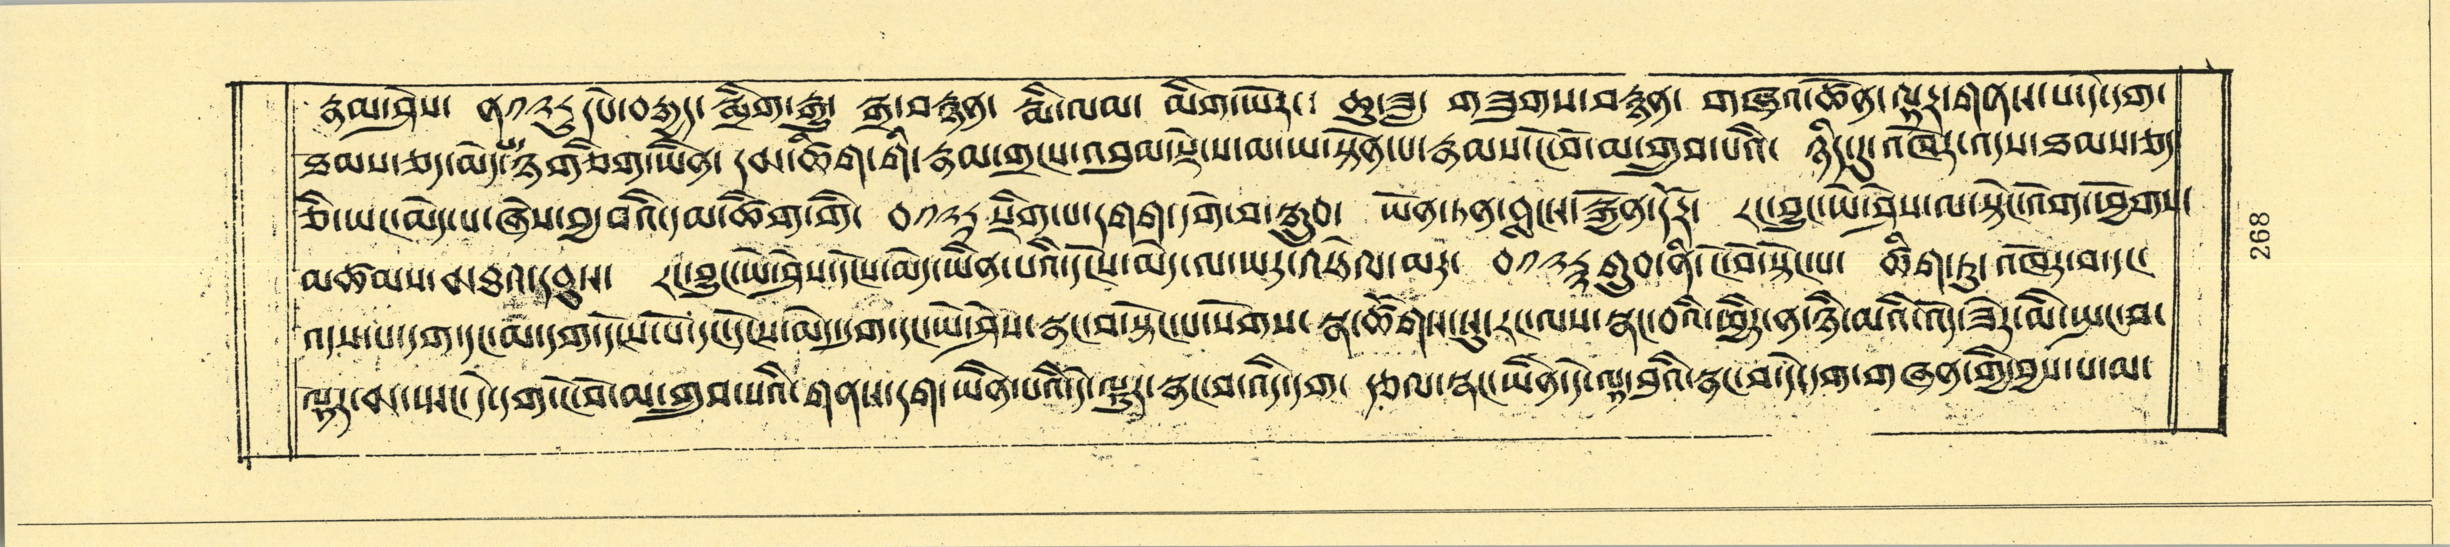རྣམ་ཤེས་ན༡༢༨།༦དཔེ་བརྒྱད་ སྨྲིག་རྒྱུ། སྒྲ་བརྙན། རྨི་ལམ། མིག་ཡོར། ཆུ་ཟླ། གཟུགས་བརྙན། གཞའ་ཚོན་ལྟར་གནས་པ་དེ་དག་
ཐམས་ཅད་མེད་པ་ཉག་གཅིག་ཡིན། དམ་ཚིག་གི་རྣམ་གྲངས་འབུམ་སྡེ་ས་མ་ཡ་སྟོན་པ་རྣམས་ངོ་བོ་མ་གྲུབ་པའི། ཉིད་དུ་འཁོར་འདས་ཐམས་ཅད་
ཅི་ཡང་མེད་པ་ཞེས་བྱ་བའི་དམ་ཚིག་གི་ བ༡༢༨།༡ སྡིག་པ་དགག་དགེ་བ་སྒྲུབ་ ཡོན་ཏན་བླངས་སྐྱོན་དོར་ རང་བྱུང་ཡེ་ཤེས་ལ་སྟེང་འོག་ཕྱོགས་
མཚམས་མཐའ་དབུས་རང་བྱུང་ཡེ་ཤེས་དངོས་མེད་ཡིན་པའི་དོངས་མེད་ལ་ ཡར་འཕེལ་མར། བ༡༢༨།༢ གྲུབ་ནི་ངོ་བོ་སྟོང་པ། ཚིག་ཏུ་འཁོར་བ་དང་
འདས་པ་དག་དང་མ་དག་དངོས་པོ་དང་དངོས་མེད་དུག་དང་ཡེ་ཤེས་སྣང་བ་སྟོང་པ་སོགས་སྣ་ཚོགས་སུ་རང་ལས་སྣང་བའི་ཕྱིར་ན་ཉི་མའི་འོད་ཟེར་མི་སྤང་བ་
ལྟར་མ་སྤང་དེ་དག་ངོ་བོ་མ་གྲུབ་པའི་གནས་དག་ཡིན་པའི་དེ་ལྟ་བུར་སྣང་བ་འདི་དག་ རྩལ་སྣང་ཡིན་དེ་ལྟ་བུའི་སྣང་བ་དེ་དག་གཞན་གྱི་བྱས་པ་ལ་